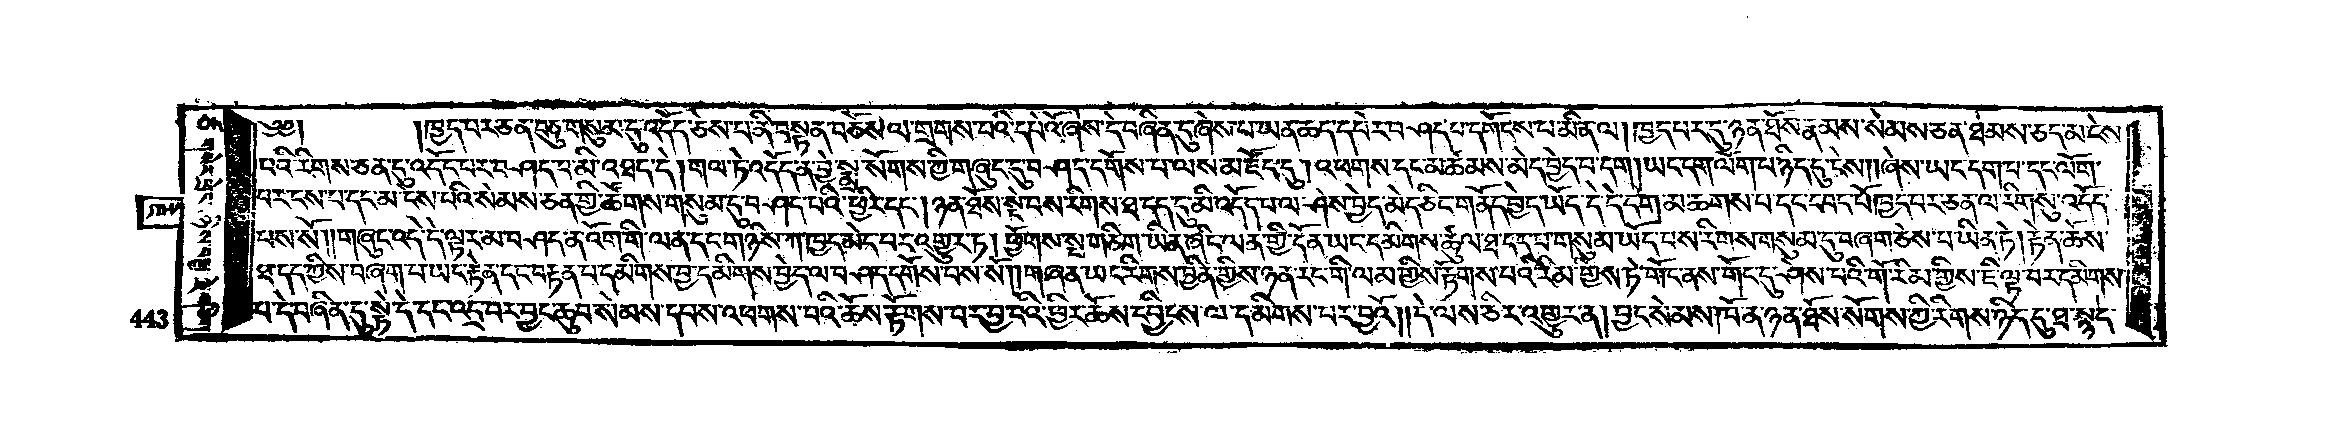༄༅། །ཁྱད་པར་ཅན་བཅུ་གསུམ་དུ་འདོད་ཅེས་པ་ནི་བསྟན་བཅོས་ལ་གྲགས་པའི་དཔེའོ་ཞེས་དེ་བཞིན་དུ་ཞེས་པ་ཡན་ཆད་དཔེར་བཤད་པ་དགོངས་པ་མིན་ལ། ཁྱད་པར་དུ་ཉན་ཐོས་རྣམས་སེམས་ཅན་ཐམས་ཅད་མ་ངེས་
པའི་རིགས་ཅན་དུ་འདོད་པར་བཤད་པ་མི་འཐད་དེ། གལ་ཏེ་འདོད་ན་བྱེ་སྨྲ་སོགས་ཀྱི་གཞུང་དུ་བཤད་དགོས་པ་ལས་མཛོད་དུ། འཕགས་དང་མཚམས་མེད་བྱེད་པ་དག །ཡང་དག་ལོག་པ་ཉིད་དུ་ངེས། །ཞེས་ཡང་དག་པ་དང་ལོག་
པར་ངེས་པ་དང་མ་ངེས་པའི་སེམས་ཅན་གྱི་ཚོགས་གསུམ་དུ་བཤད་པའི་ཕྱིར་དང་། ཉན་ཐོས་སྡེ་བས་རིགས་ཐ་དད་དུ་མི་འདོད་པ་ལ་ཤེས་བྱེད་མེད་ཅིང་གནོད་བྱེད་ཡོད་དེ་དེ་དག་མ་ཆགས་པ་དང་དབང་པོ་ཁྱད་པར་ཅན་ལ་རིགས་སུ་འདོད་
པས་སོ། །གཞུང་འདི་དེ་ལྟར་མ་བཤད་ན་འོག་གི་ལན་དང་གཉིས་ཀ་ཁྱད་མེད་པར་འགྱུར་ཏེ། ཕྱོགས་སྔ་གཅིག་ཡིན་ཞིང་ལན་གྱི་དོན་ཡང་དམིགས་ཚུལ་ཐ་དད་པ་གསུམ་ཡོད་པས་རིགས་གསུམ་དུ་བཞག་ཅེས་པ་ཡིན་ཏེ། རྟེན་ཆོས་
ཐ་དད་ཀྱིས་བཞག་པ་ཡང་རྟེན་དང་བརྟེན་པ་དམིགས་བྱ་དམིགས་བྱེད་ལ་བཤད་དགོས་པས་སོ། །གཞན་ཡང་རིགས་བྱིན་གྱིས་ཉན་རང་གི་ལམ་གྱིས་རྟོགས་པའི་རིམ་གྱིས་ཏེ་གོང་ནས་གོང་དུ་ཤེས་པའི་གོ་རིམ་གྱིས་ཇི་ལྟ་བར་དམིགས་
པ་དེ་བཞིན་དུ་སྟེ་དེ་དང་འདྲ་བར་བྱང་ཆུབ་སེམས་དཔས་འཕགས་པའི་ཆོས་རྟོགས་པར་བྱ་བའི་ཕྱིར་ཆོས་དབྱིངས་ལ་དམིགས་པར་བྱའོ། །དེ་ལས་ཅིར་འགྱུར་ན། བྱང་སེམས་ཁོ་ན་ཉན་ཐོས་སོགས་ཀྱི་རིགས་ཉིད་དུ་ཐ་སྙད་